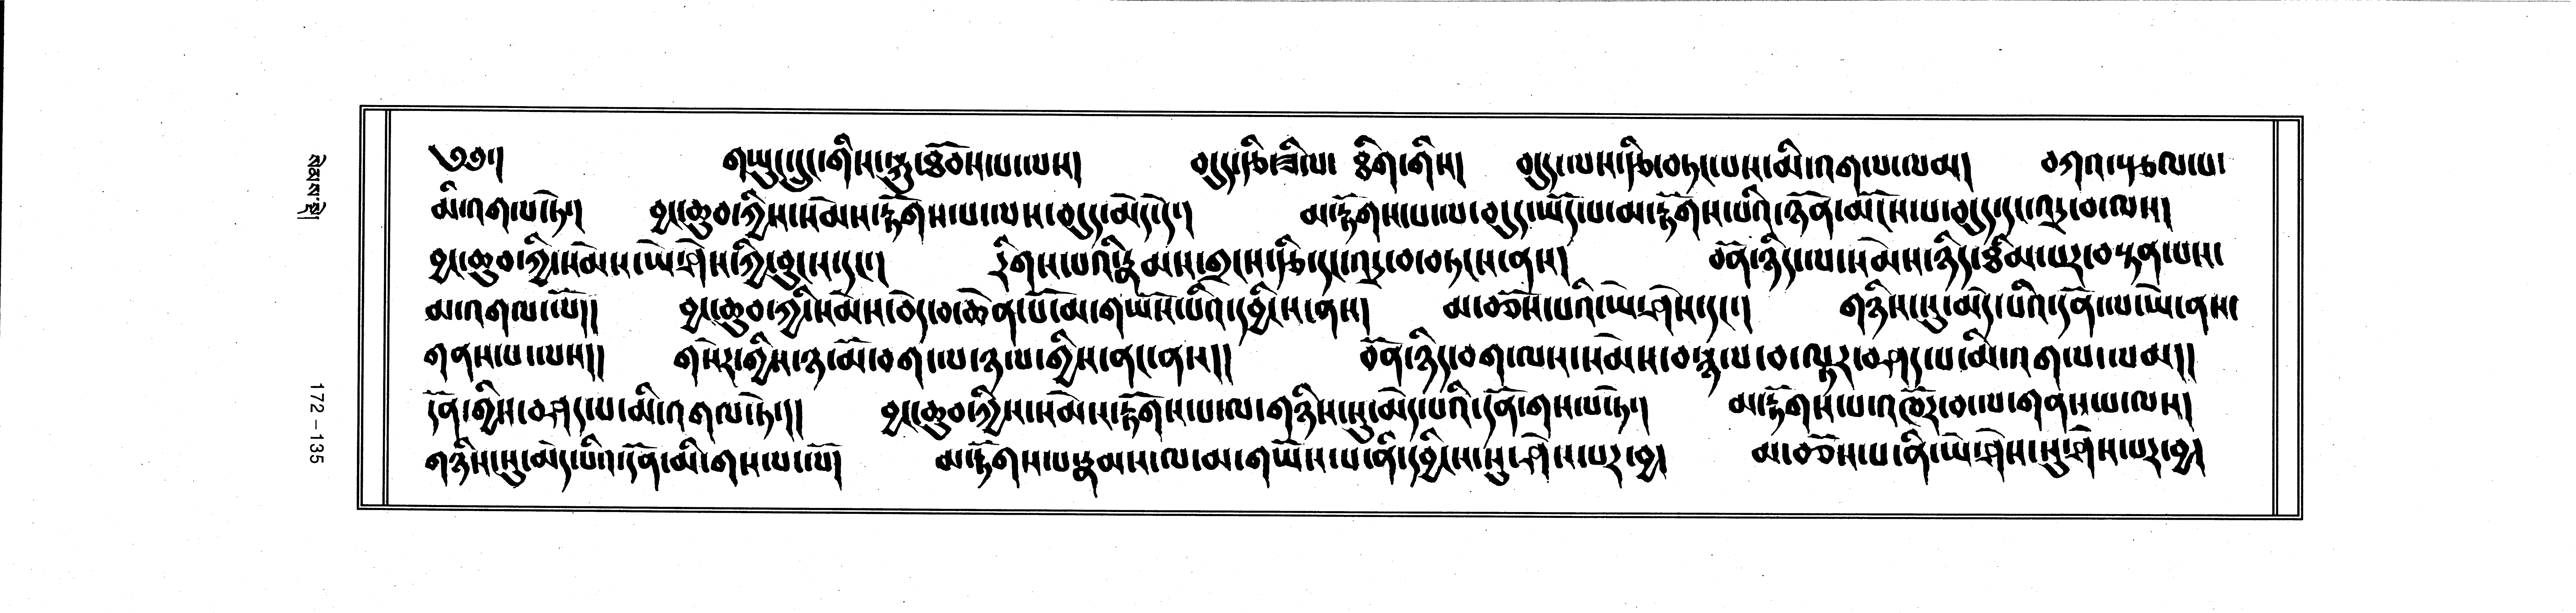གཡུང་དྲུང་གིས་སྐུ་ཐོབས་པ་ལས། བདུད་རྩི་ཟིལ་ཐིག་གིས། བདུད་ལས་རྩི་བཏང་པས་མི་འགལ་ལམ། བཀའ་སྩལ་པ་
མི་འགལ་ཏེ། བྱང་ཆུབ་ཀྱིས་སེམས་རྟོགས་པ་ལས་བདུད་མེད་དེ། མ་རྟོགས་པ་ལ་བདུད་ཡོད་པ་མ་རྟོགས་པའི་ཉིན་མོངས་པ་བདུད་དང་འདྲ་བ་ལས། 
བྱང་ཆུབ་ཀྱི་སེམས་ཡེ་ཤེས་ཀྱི་བུངས་དང་། རིགས་པའི་རྣམས་གྲངས་རྩི་དང་འདྲ་བ་བཏངས་ནས། བོན་ཉིད་ལ་སེམས་ཉིད་ཐིམ་པར་བསྟན་པས་
མ་འགལ་ལོ། བྱང་ཆུབ་ཀྱི་སེམས་བདེ་བ་ཆེན་པོ་མ་གཡོས་པའི་དབྱིངས་ནས། མ་བཅོས་པའི་ཡེ་ཤེས་དང་། གཉིས་སུ་མེད་པའི་དོན་ལ་ཡེ་ནས་
གནས་པ་ལས། གསེར་གྱིས་ཉ་མོ་བག་ལ་ཉལ་གྱིས་ནང་ནས། བོན་ཉིད་བག་ལས་སེམས་བསྙལ་བ་ལྟར་བཤད་པ་མི་འགལ་ལམ། 
དོན་གྱིས་བཤད་པ་མི་འགལ་ཏེ། བྱང་ཆུབ་ཀྱིས་སེམས་རྟོགས་པ་ལ་གཉིས་སུ་མེད་པའི་དོན་གསལ་ཏེ། མ་རྟོགས་པ་འཁོར་བ་ལ་གནས་པ་ལས། 
གཉིས་སུ་མེད་པའི་དོན་མི་གསལ་ལོ། མ་རྟོགས་པ་རྣམས་ལ་མ་གཡོས་པ་ནི་དབྱིངས་སུ་ཤེས་པར་བྱ། མ་བཅོས་པ་ནི་ཡེ་ཤེས་སུ་ཤེས་པར་བྱ།